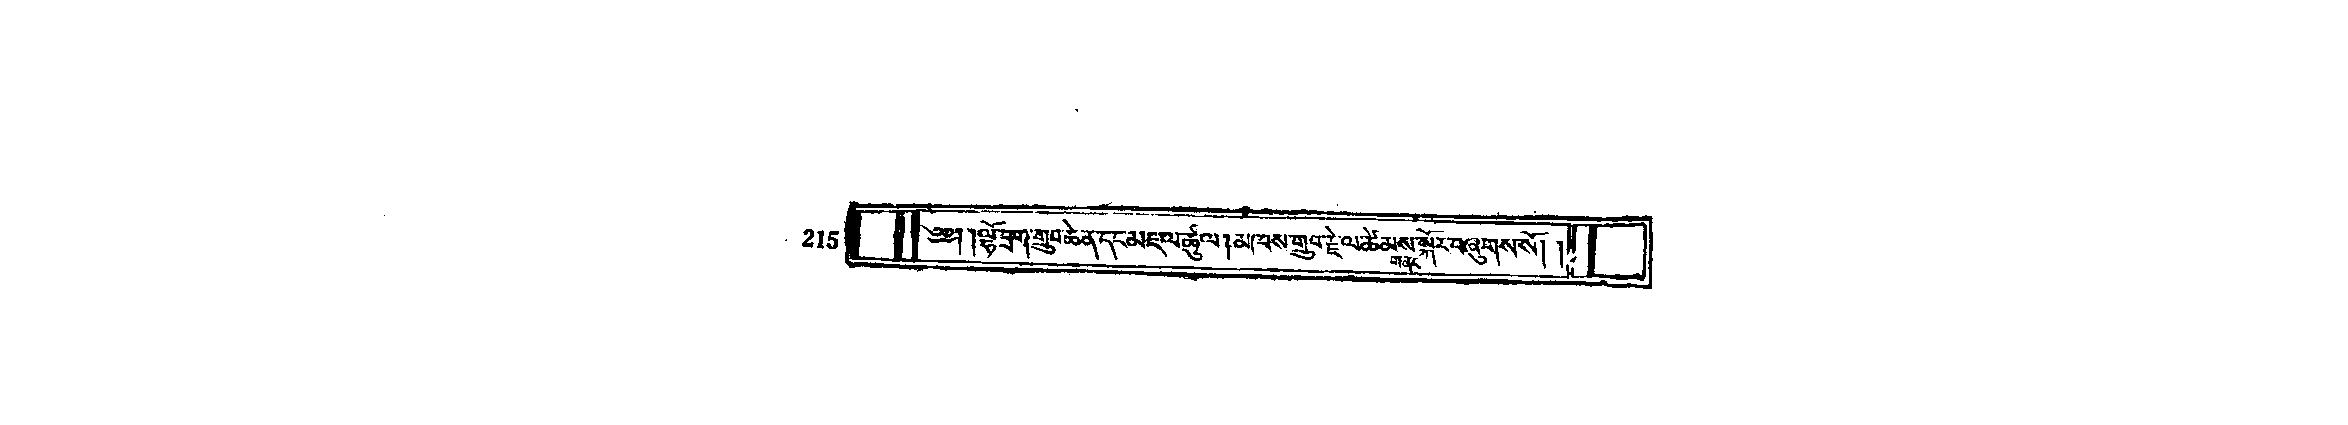༄༅། །ལྷོ་བྲག་གྲུབ་ཆེན་དང་མཇལ་ཚུལ། མཁས་གྲུབ་རྗེ་ལ་ཚེམས་གནང་སྐོར་བཞུགས་སོ། །